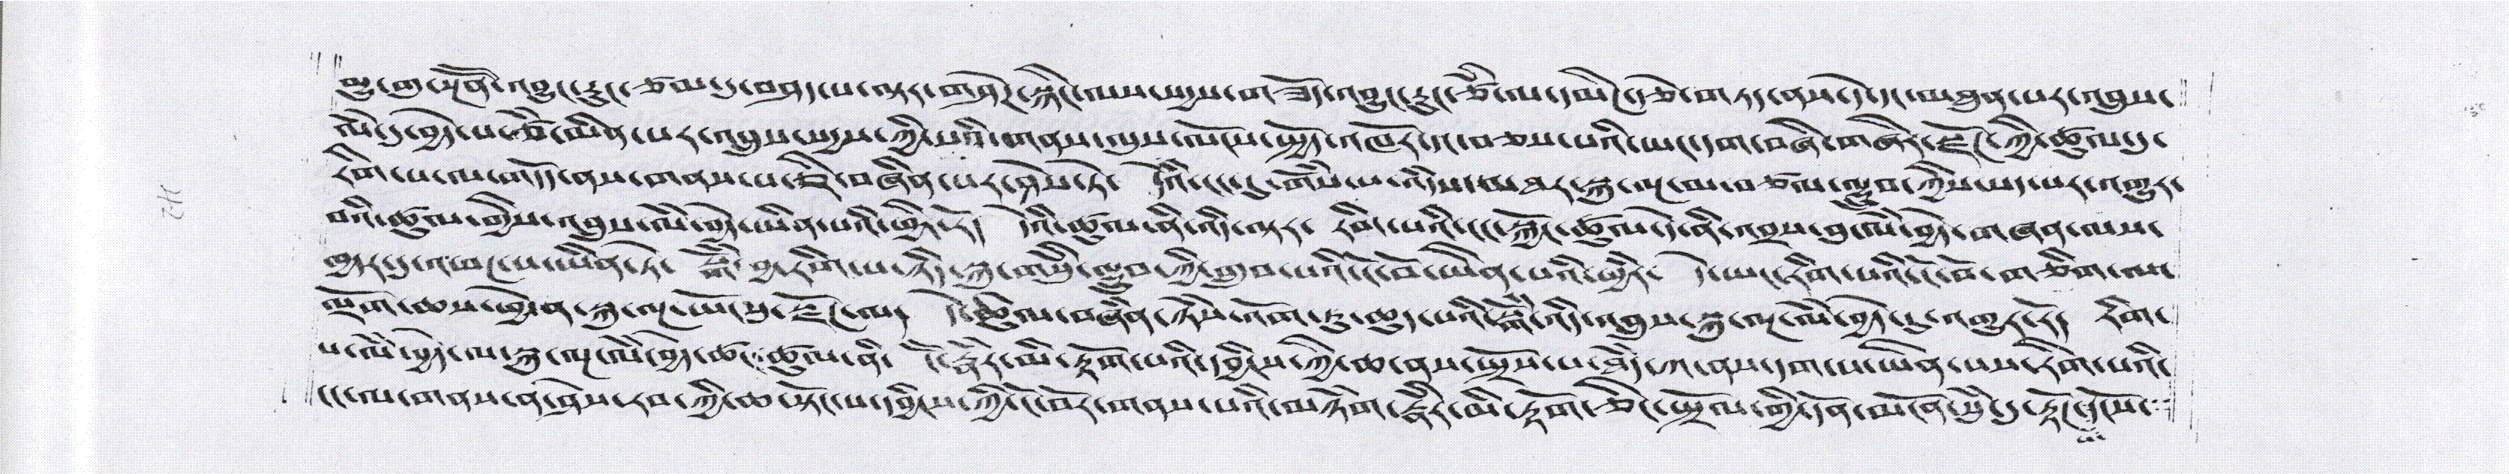མྱུ་གུ་སྔོན་པོ་འབྱུང་རུང་ཙམ་དུ་བཤད་པ་ལྟར་གཤེགས་སྙིང་ལས་སངས་རྒྱས་གཟོད་འབྱུང་རུང་ཙམ་ལ་དམིགས་རྩེ་གཏད་ནས་དེ་དང་མཐུན་པར་འབྲས་བུ་
ལམ་དུ་བྱེད་པ་ཙམ་མིན་པར་འབྲས་བུ་སངས་རྒྱས་ཀྱི་ས་ཡི་གནས་ལུས་ལོངས་སྤྱོད་འཁོར་དང་བཅས་པའི་ཡང་དག་བཞི་བཞིར་རྫོགས་ཀྱི་ཚུལ་དུ་
རིག་པ་ལ་གདོད་ནས་གནས་པ་ཇི་བཞིན་པར་ཤེས་ཏེ། དེའི་ངང་དུ་གོམས་པ་འདིའི་མཐར་སྐུ་ལྔ་མ་བཙལ་ལྷུན་གྲུབ་ཀྱིས་སད་པར་འགྱུར་
བའི་ཚུལ་གྱིས་འབྲས་བུ་ལམ་བྱེད་ཡིན་པའི་ཕྱིར་རོ། དེའི་ཚུལ་ནི་འདི་ལྟར་རིག་པའི་ངང་སྐྱོང་ཚུལ་དེ་ནི་འབྲས་བུ་ལམ་བྱེད་གཞན་ལས་
ཁྱད་པར་དུ་འཕགས་པ་ཡིན་ཏེ། བསྒོམ་བྱ་རིག་པ་ཉིད་སྐུ་གསུམ་ལྷུན་གྱིས་གྲུབ་པའི་ངོ་བོ་ཡིན་པའི་ཕྱིར། དེ་ཡང་རིག་པའི་ངོ་བོ་གཅིག་ལ་
ལྡོག་ཆས་ཕྱེ་ན་སྐུ་ལྔ་ཡོངས་སུ་རྫོགས་ལ། དེ་ཚུལ་བཞིན་ཉམས་འོག་ཏུ་ཆུད་པའི་སྒོམ་འདི་འབྲས་བུ་སྐུ་ལྔ་ལམ་བྱེད་དུ་འགྱུར་རོ། རིག་
པ་ལམ་བྱེད་ལ་སྐུ་ལྔ་ལམ་བྱེད་ཚང་ཚུལ་ནི། ངོ་བོ་རྣམ་པར་མི་རྟོག་པའི་དབྱིངས་ཀྱི་ཆ་ནས་སྤྲོས་པ་ཐམས་ཅད་ཀ་ནས་དག་པ་ཡིན་པས་རིག་པའི་
ངང་ལ་གནས་ན་ཤེས་རབ་ཀྱི་ཆ་སྟོང་པ་དབྱིངས་ཀྱི་ངོ་བོར་གནས་པའི་མཉམ་གཞག་རྣམ་པར་མི་རྟོག་ཅིང་སྤྲོས་བྲལ་གྱི་དོན་མངོན་སུམ་དུ་རྟོགས་པ་དངོས་